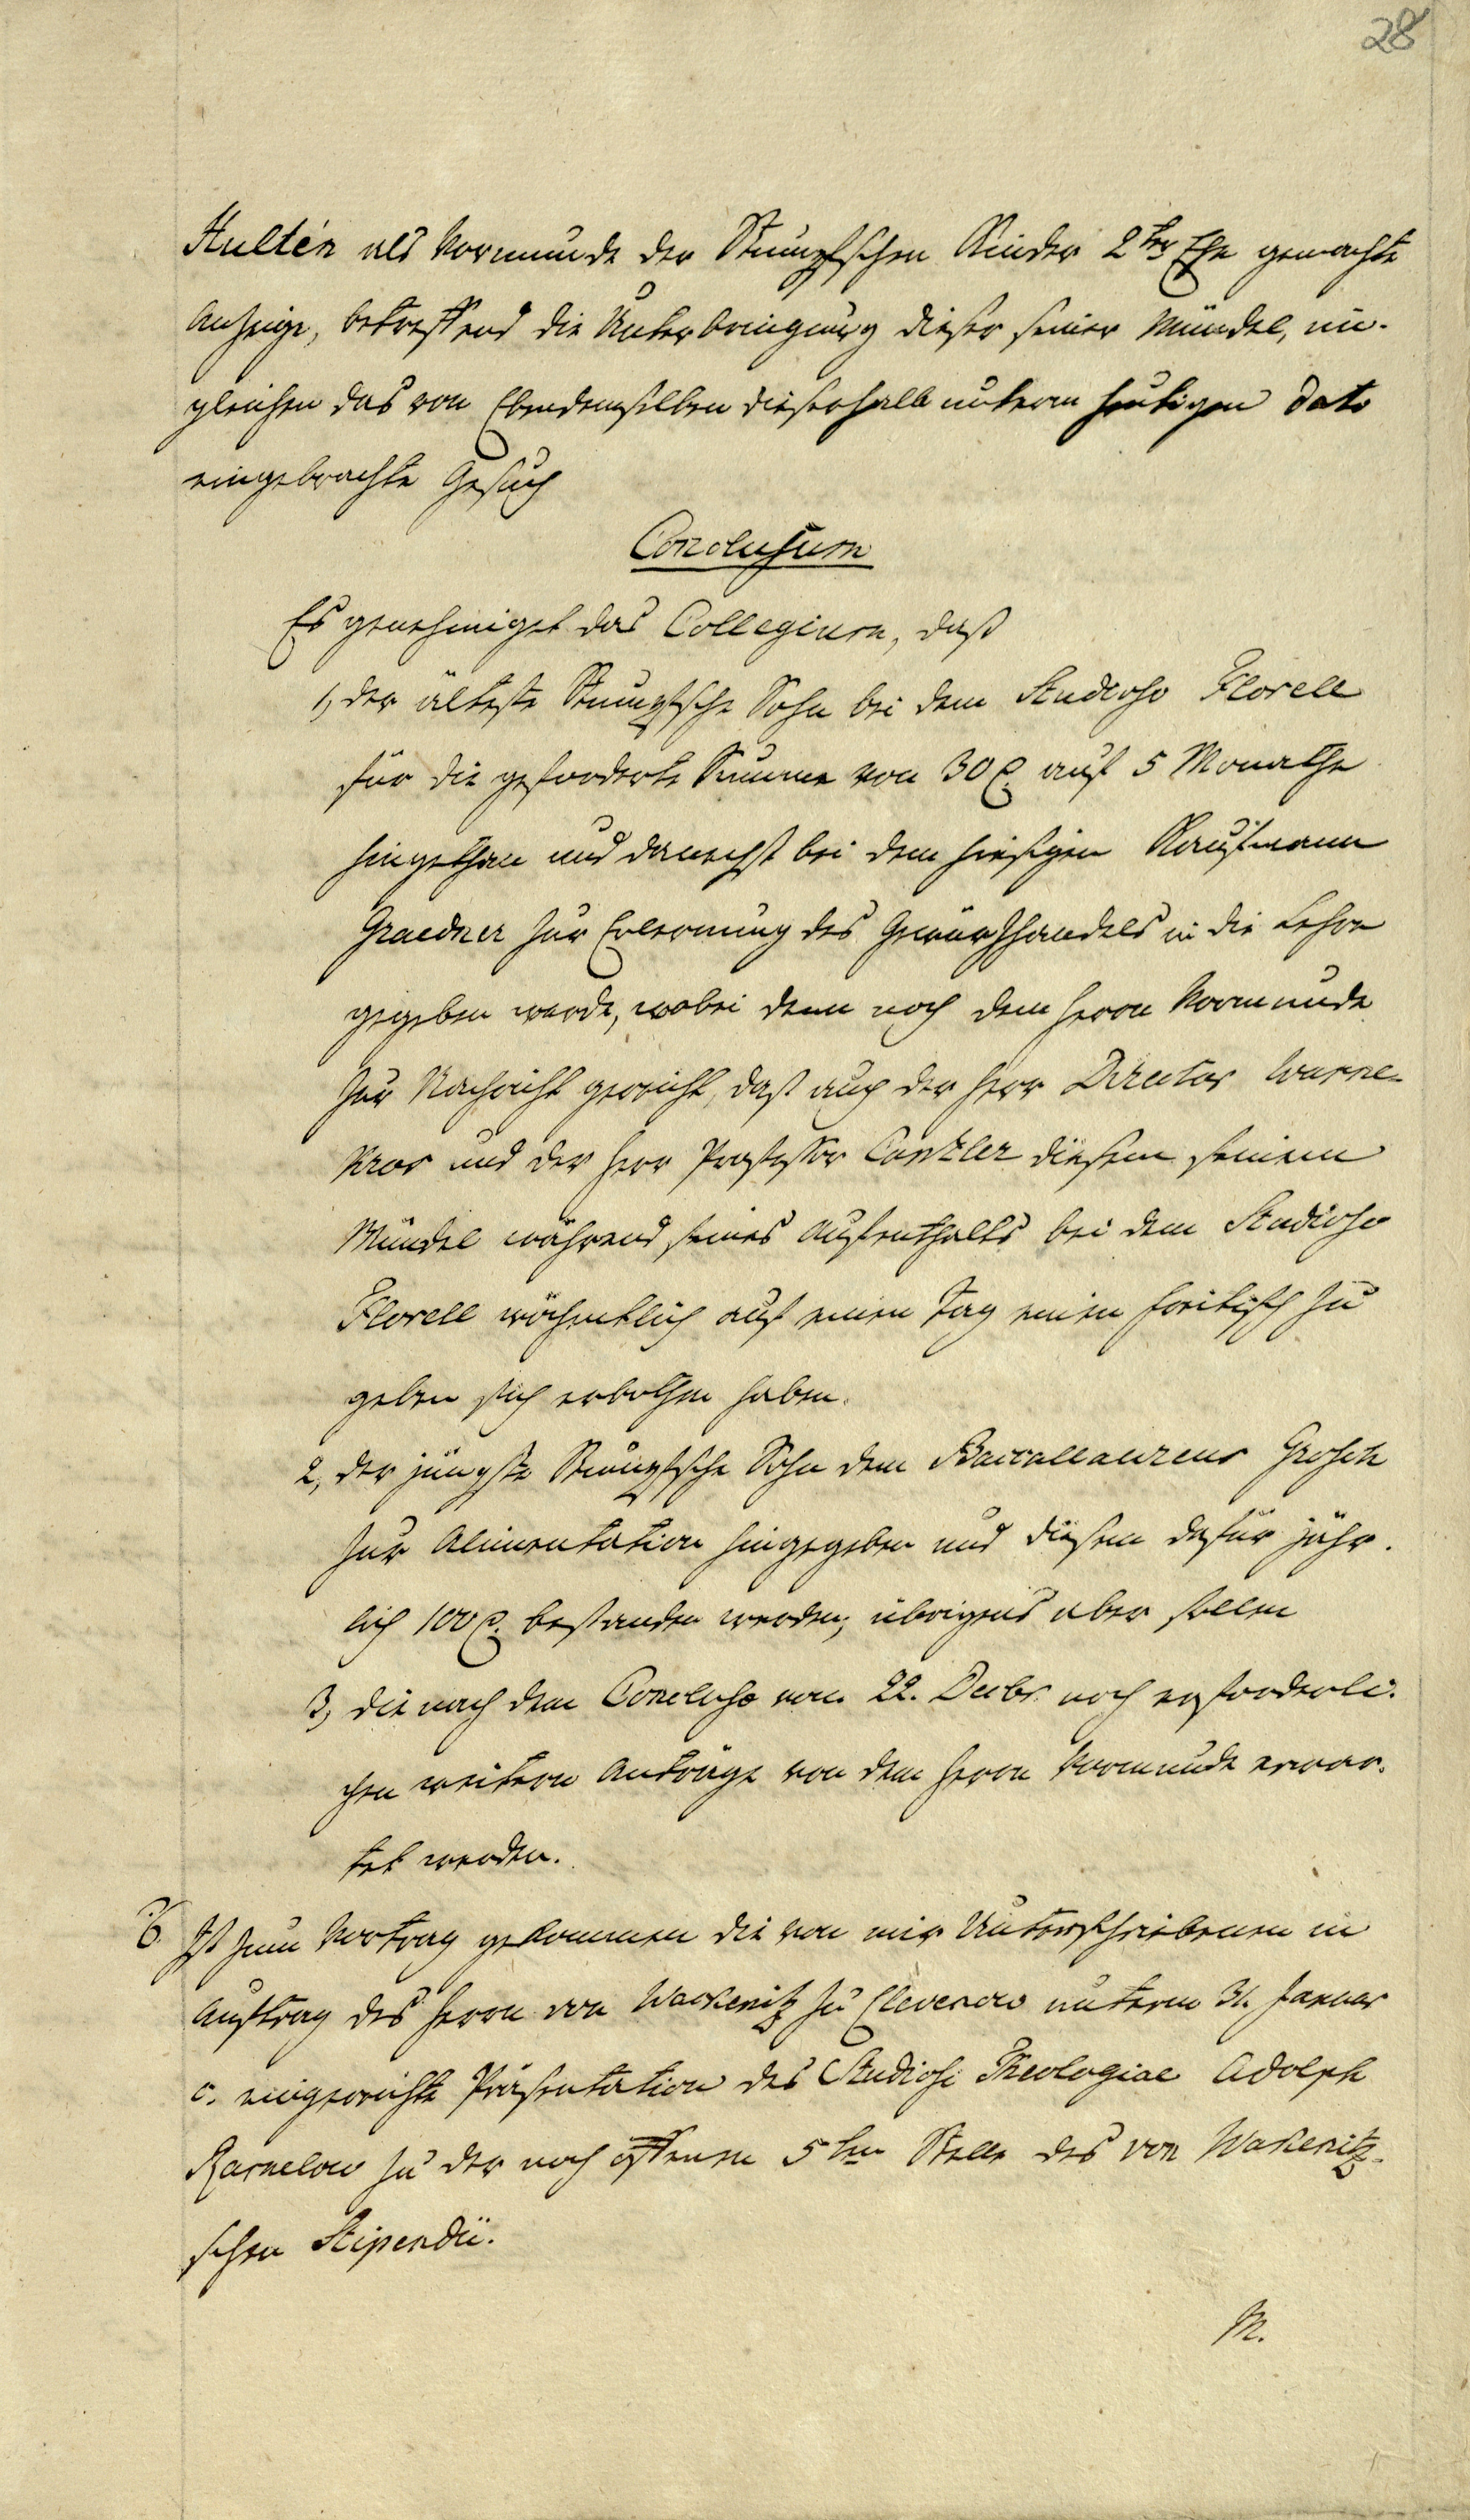Hultén als Vormunde der Stumpfschen Kinder 2 ter Ehe gemachte
Anzeige, betreffend die Unterbringung dieser seiner Mündel, im¬
gleichen das von Ebendemselben dieserhalb unterm heutigen dato
eingebrachte Gesuch
Conclusum
Es genehmiget das Collegium, daß
1, der älteste Stumpfsche Sohn bei dem Studioso Florell
für die geforderte Summe von 30 l. auf 5 Monathe
hingethan und danechst bei dem hiesigen Kaufmann
Graedner zur Erlernung des Gewürzhandels in die Lehre
gegeben werde, wobei denn noch dem Herrn Vormunde
zur Nachricht gereicht, daß auch der Herr Director Warne¬
kros und der Herr Professor Canzler diesem seinem
Mündel während seines Aufenthalts bei dem Studioso
Florell wöchentlich auf einen Tag einen Freitisch zu
geben sich erbothen haben.
2, der jüngste Stumpfsche Sohn dem Baccallaureus grosch
zur Alimentation hingegeben und diesem dafür jähr¬
lich 100 l. bestanden werden, übrigens aber stellen
3, die nach dem Concluso vom 22. Decbr. noch erforderli¬
chen weitern Anträge von dem Herrn Vormunde erwar¬
tet werden.
6. Ist zum Vortrag gekommen die von mir Unterschriebenen in
Auftrag des Herrn von Wackenitz zu Clevenow unterm 31. Januar
c. eingereichte Präsentation des Studiosi Theologiae Adolph
Ramelow zu der noch offenen 5 ten Stelle des von Wakenitz¬
schen Stipendii.
M.